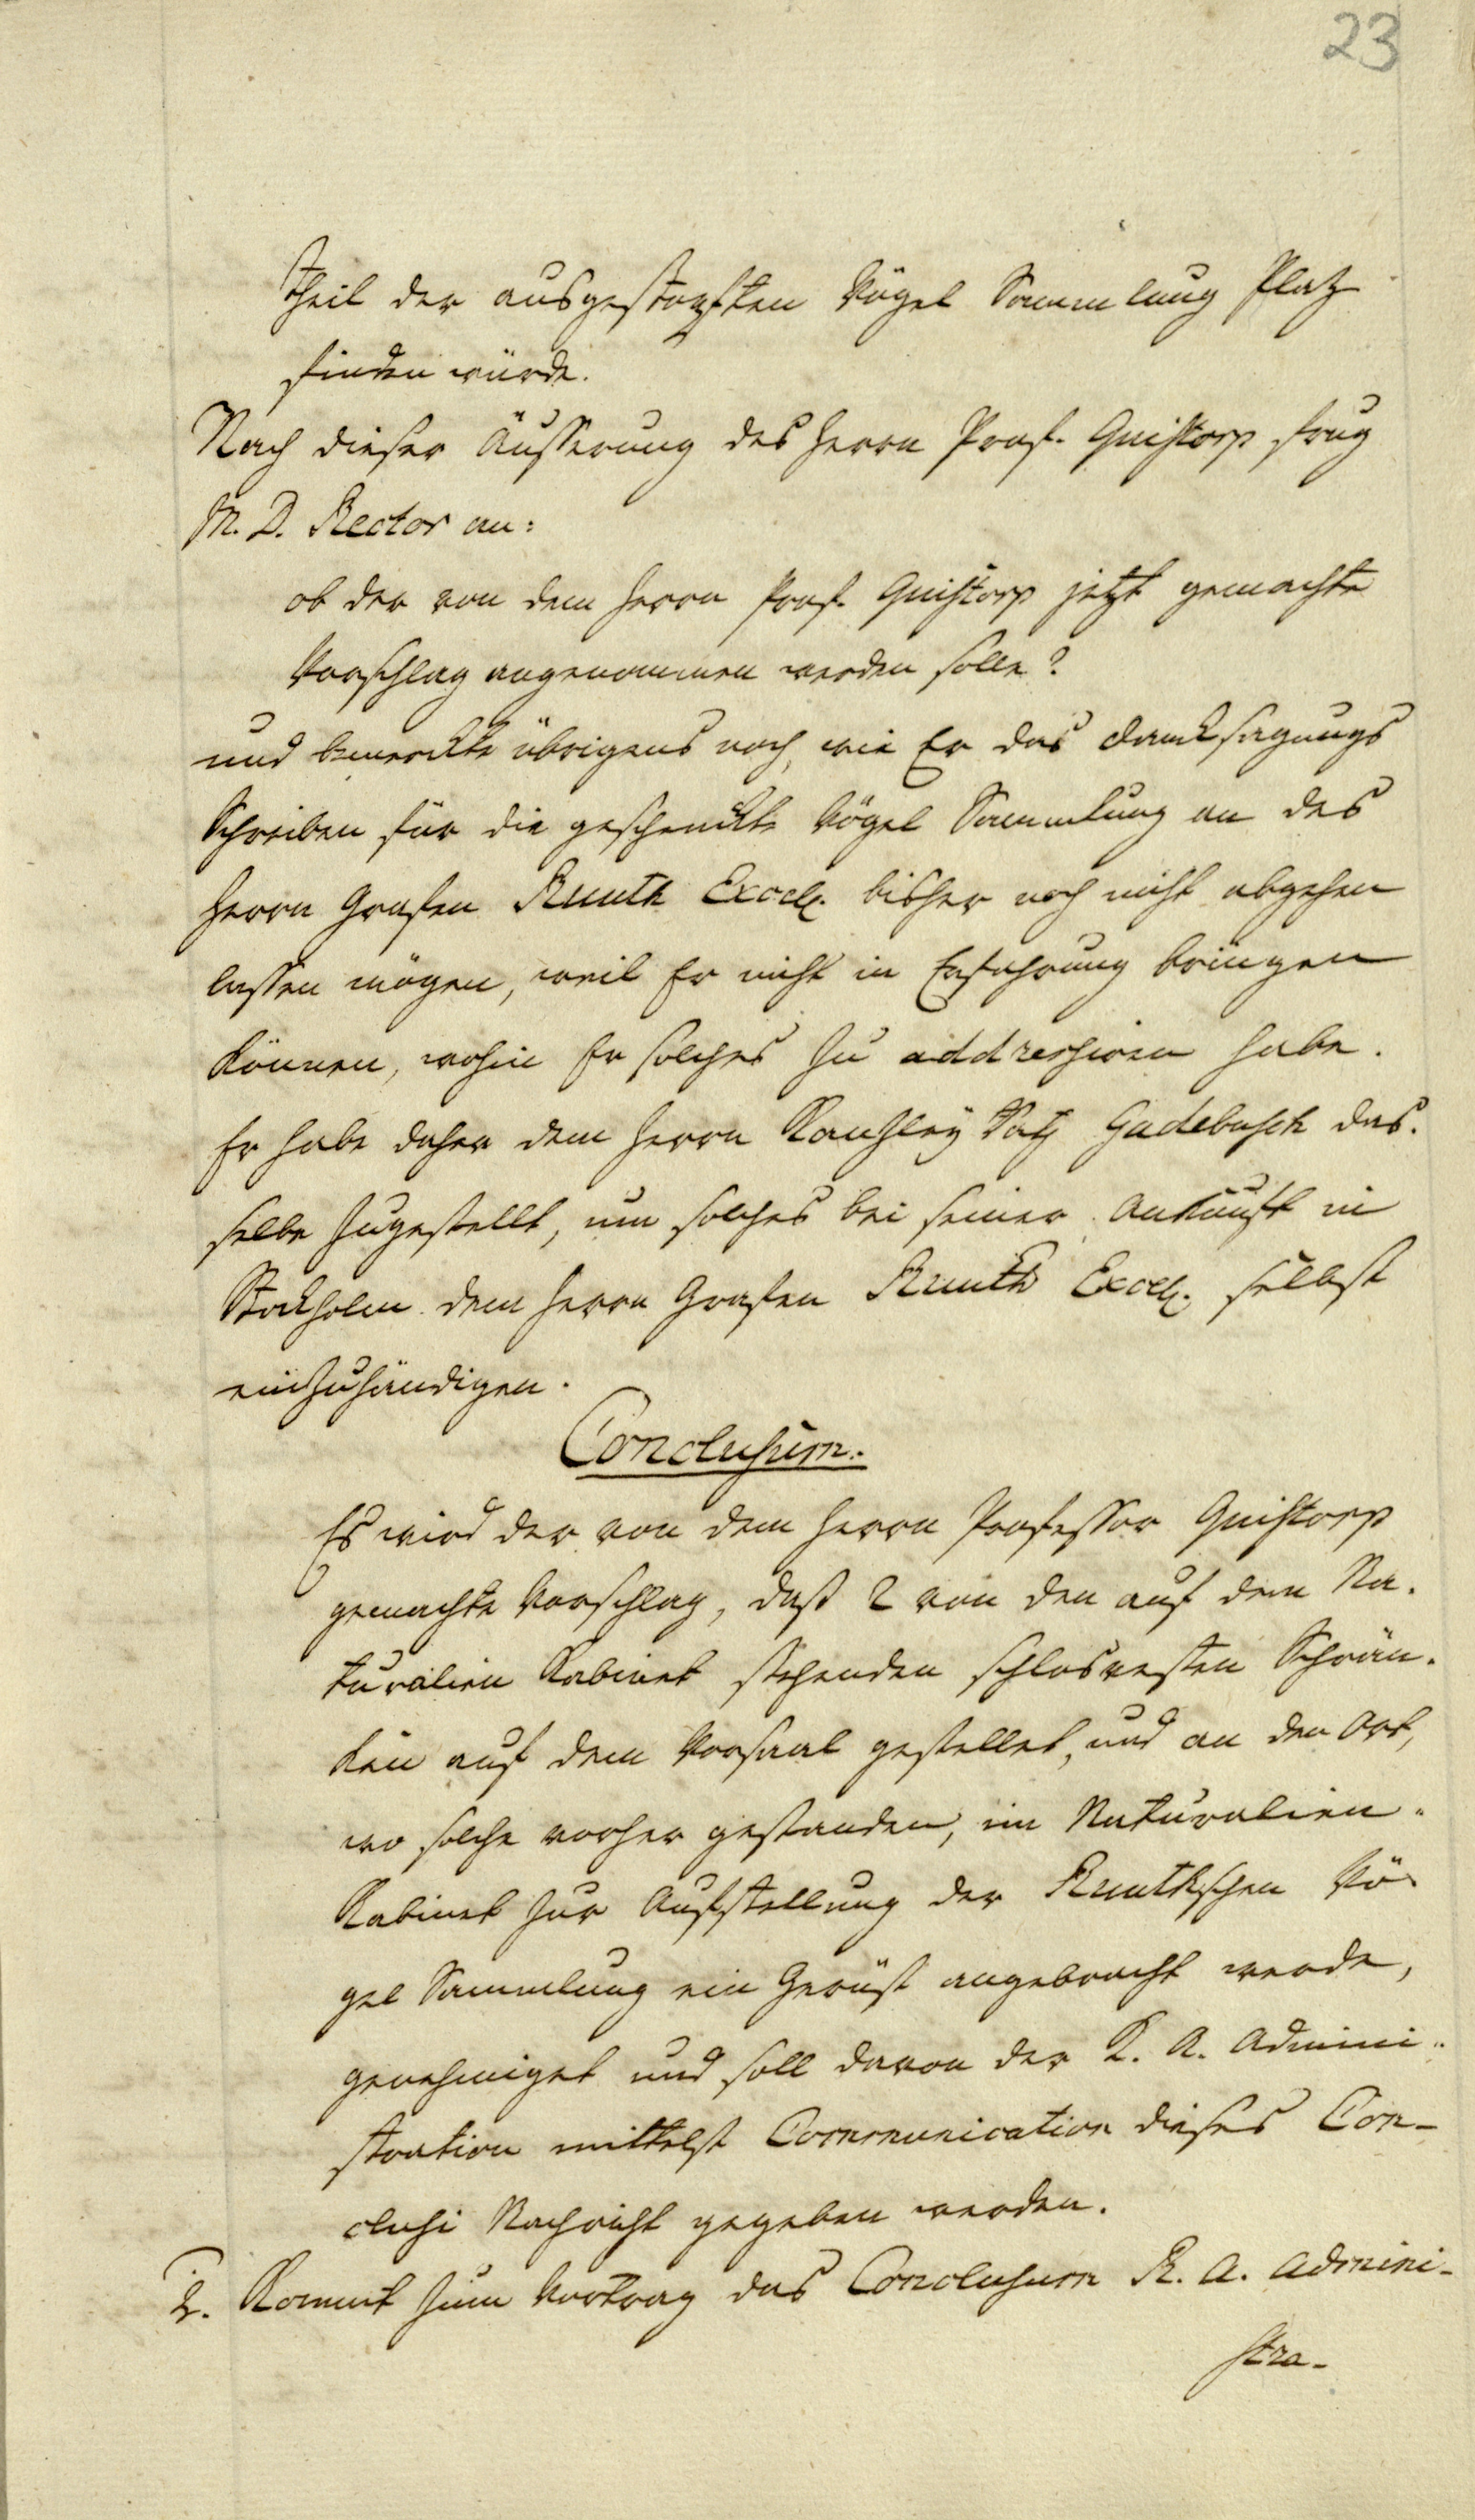Theil der ausgestopften Vögel Sammlung Platz
finden würde.
Nach dieser Äusserung des herrn Prof. Quistorp frug
M. D. Rector an:
ob der von dem herrn Prof. Quistorp jetzt gemachte
Vorschlag angenommen werden solle?
und bemerckte übrigens noch, wie Er das Dancksagungs¬
Schreiben für die geschenckte Vögel Sammlung an des
herrn Grafen Ruuth Excel. bisher noch nicht abgehen
lassen mögen, weil Er nicht in Erfahrung bringen
können, wohin Er solches zu addressiren habe.
Er habe daher dem herrn Kanzleÿ Rath Gadebusch das¬
selbe zugestellet, um solches bei seiner Ankunft in
Stockholm dem herrn Grafen Ruuth Excel. selbst
einzuhändigen.
Conclusum
Es wird der von dem herrn Professor Quistorp
gemachte Vorschlag, daß 2 von den auf dem Na¬
turalien Kabinet stehenden schlosvesten Schrän¬
ken auf dem Vorsaal gestellet, und an den Ort,
wo solche vorher gestanden, im Naturalien¬
Kabinet zur Aufstellung der Ruuthschen Vö¬
gel Sammlung ein Gerüst angebracht werde,
genehmiget und soll davon der K. A. Admini¬
stration mittelst Communication dieses Con¬
clusi Nachricht gegeben werden.
2., Kommt zum Vortrag das Conclusum K. A. Admini¬
stra.